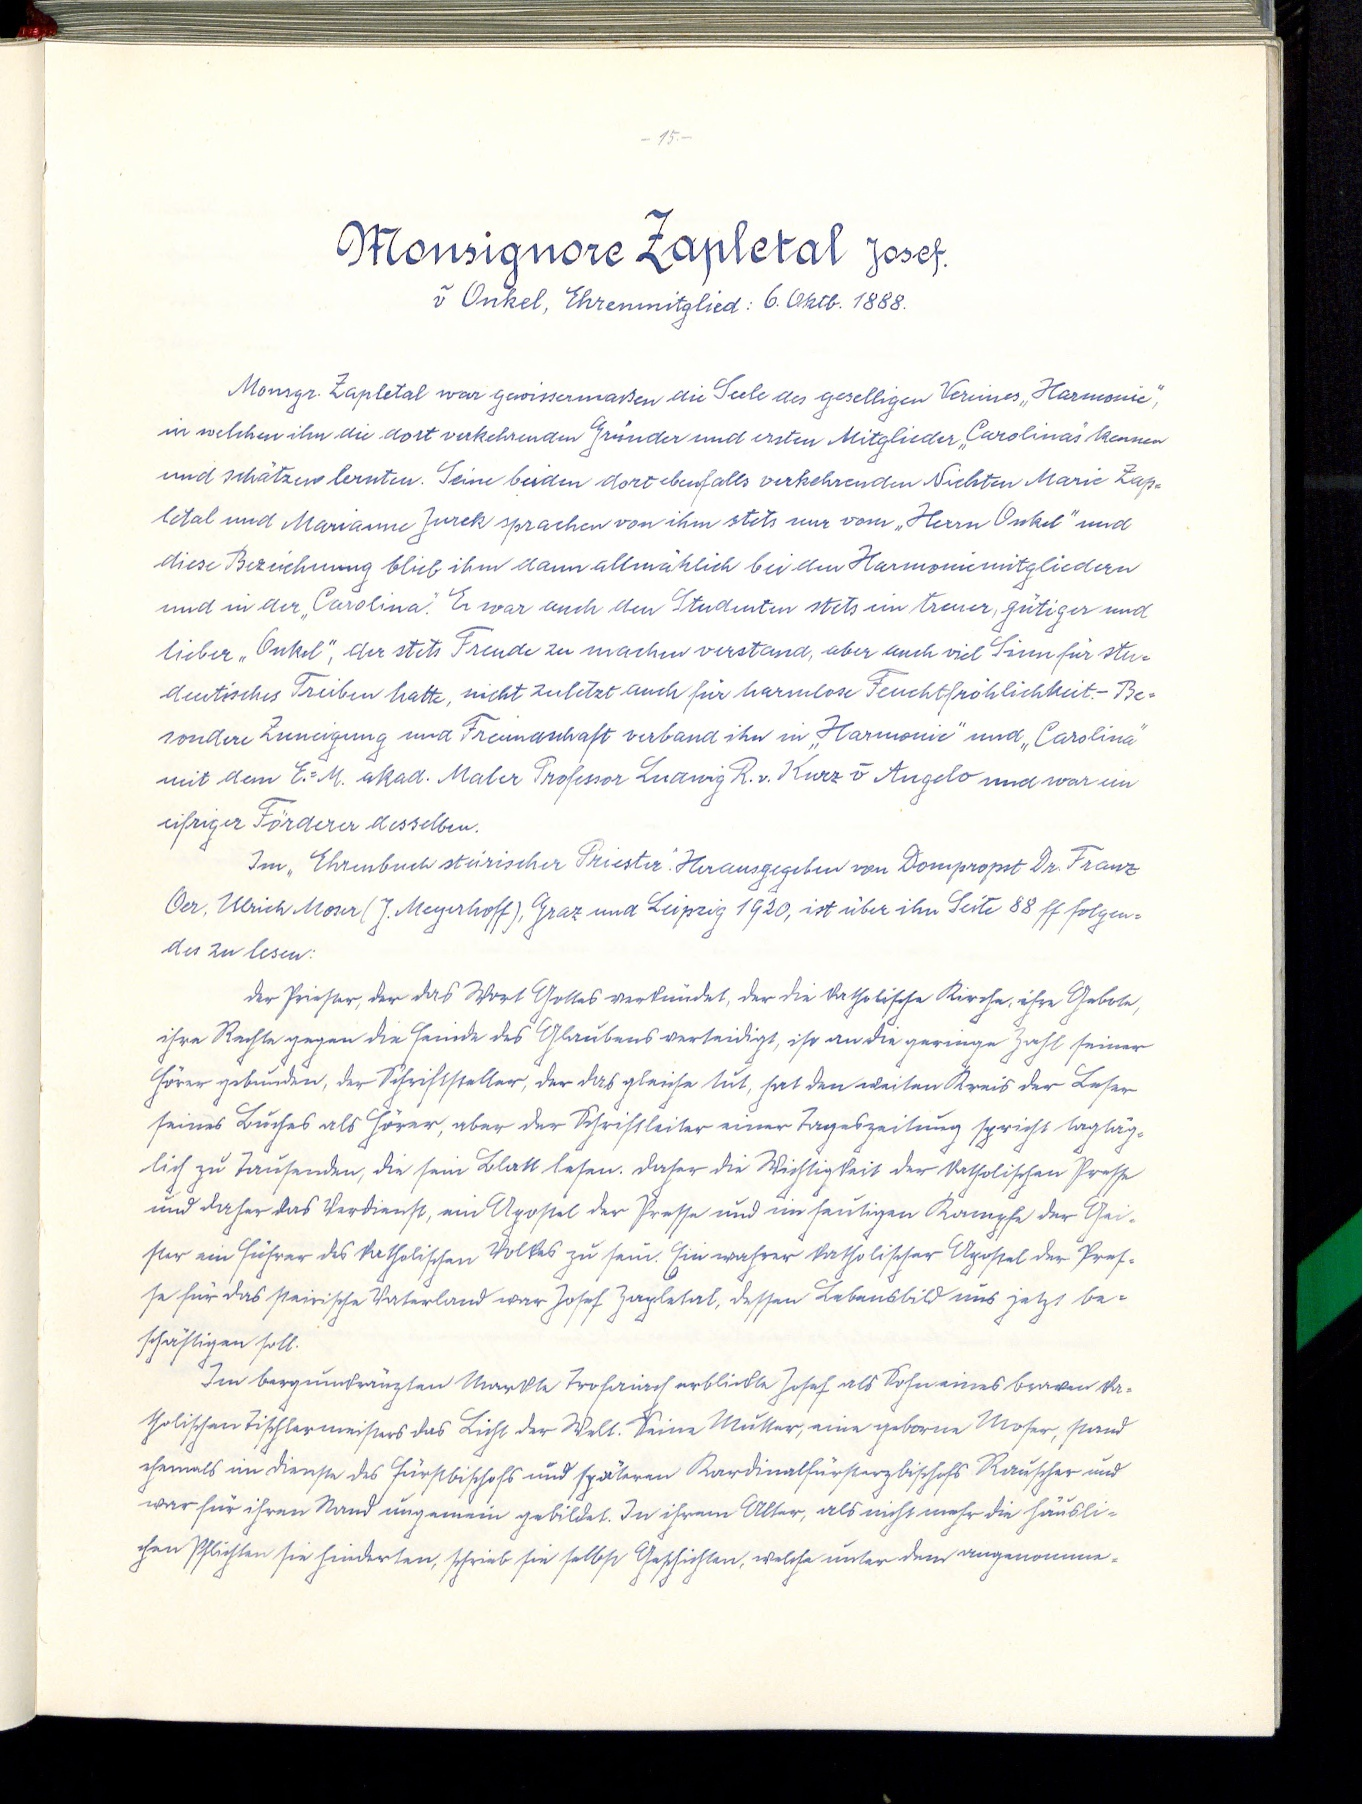-15.-
Monsignore Zapletal Josef.
v/o Onkel, Ehrenmitglied: 6. Oktob. 1888.
Monsgr. Zapletal war gewissermaßen die Seele des geselligen Vereins "Harmonie",
in welchen ihn die dort verkehrenden Gründer und ersten Mitglieder "Carolinas" kennen
und schätzen lernten. Seine beiden dort ebenfalls verkehrenden Nichten Marie Zap-
letal und Marianne Jurek sprachen von ihm stets nur vom "Herrn Onkel" und
diese Bezeichnung blieb ihm dann allmählich bei den Harmoniemitgliedern
und in der "Carolina". Er war auch den Studenten stets ein treuer, gütiger und
lieber "Onkel", der stets Freude zu machen verstand, aber auch viel Sinn für stu-
dentisches Treiben hatte, nicht zuletzt auch für harmlose Feuchtfröhlichkeit. - Be-
sondere Zuneigung und Freundschaft verband ihn in "Harmonie" und "Carolina"
mit dem E.-M. akad. Maler Professor Luanig R. v. Kurz v/o Angelo und war ein
eifriger Förerer desselben.
Im "Ehrenbuch steirischer Priester". Herausgegeben von Dompropst Dr. Franz
Oer, Ulrich Moser (J. Meyerhoff), Graz und Leipzig 1920, ist über ihn Seite 88 ff folgen-
des zu lesen:
Der Priester, der das Wort Gottes verkündet, der die katholische Kirche, ihre Gebote,
ihre Rechte gegen die Feinde des Glaubens verteidigt, ist an die geringe Zahl seiner
Hörer gebunden, der Schriftsteller, der das gleiche tut, hat den weiten Kreis der Leser
seines Buches als Hörer, aber der Schrifleiter einer Tageszeitung spricht tagtäg-
lich zu Tausenden, die sein Blatt lesen. Daher die Wichtigkeit der katholischen Presse
und daher das Verdienst, ein Apostel der Presse und im heutigen Kampfe der Gei-
ster ein Führer des katholischen Volkes zu sein. Ein wahrer katholischer Apostel der Pres-
se für das steirische Vaterland war Josef Zapletal, dessen Lebensbild uns jetzt be-
schäftigen soll.
Im bergumkränzten Markte Trofaiach erblickte Josef als Sohn eines braven ka-
tholischen Tischlermeisters das Licht der Welt. Seine Mutter, eine geborene MOser, stand
ihrmals im Dienste des Fürstbischofs und späteren Kardinalfürsterbischofs Rauscher und
war für ihren Stand ungemein gebildet. In ihrem Alter, als nicht mehr die häusli-
chen Pflichten sie hinderten, schrieb sie selbst Geschichten, welche unter dem angenommen-